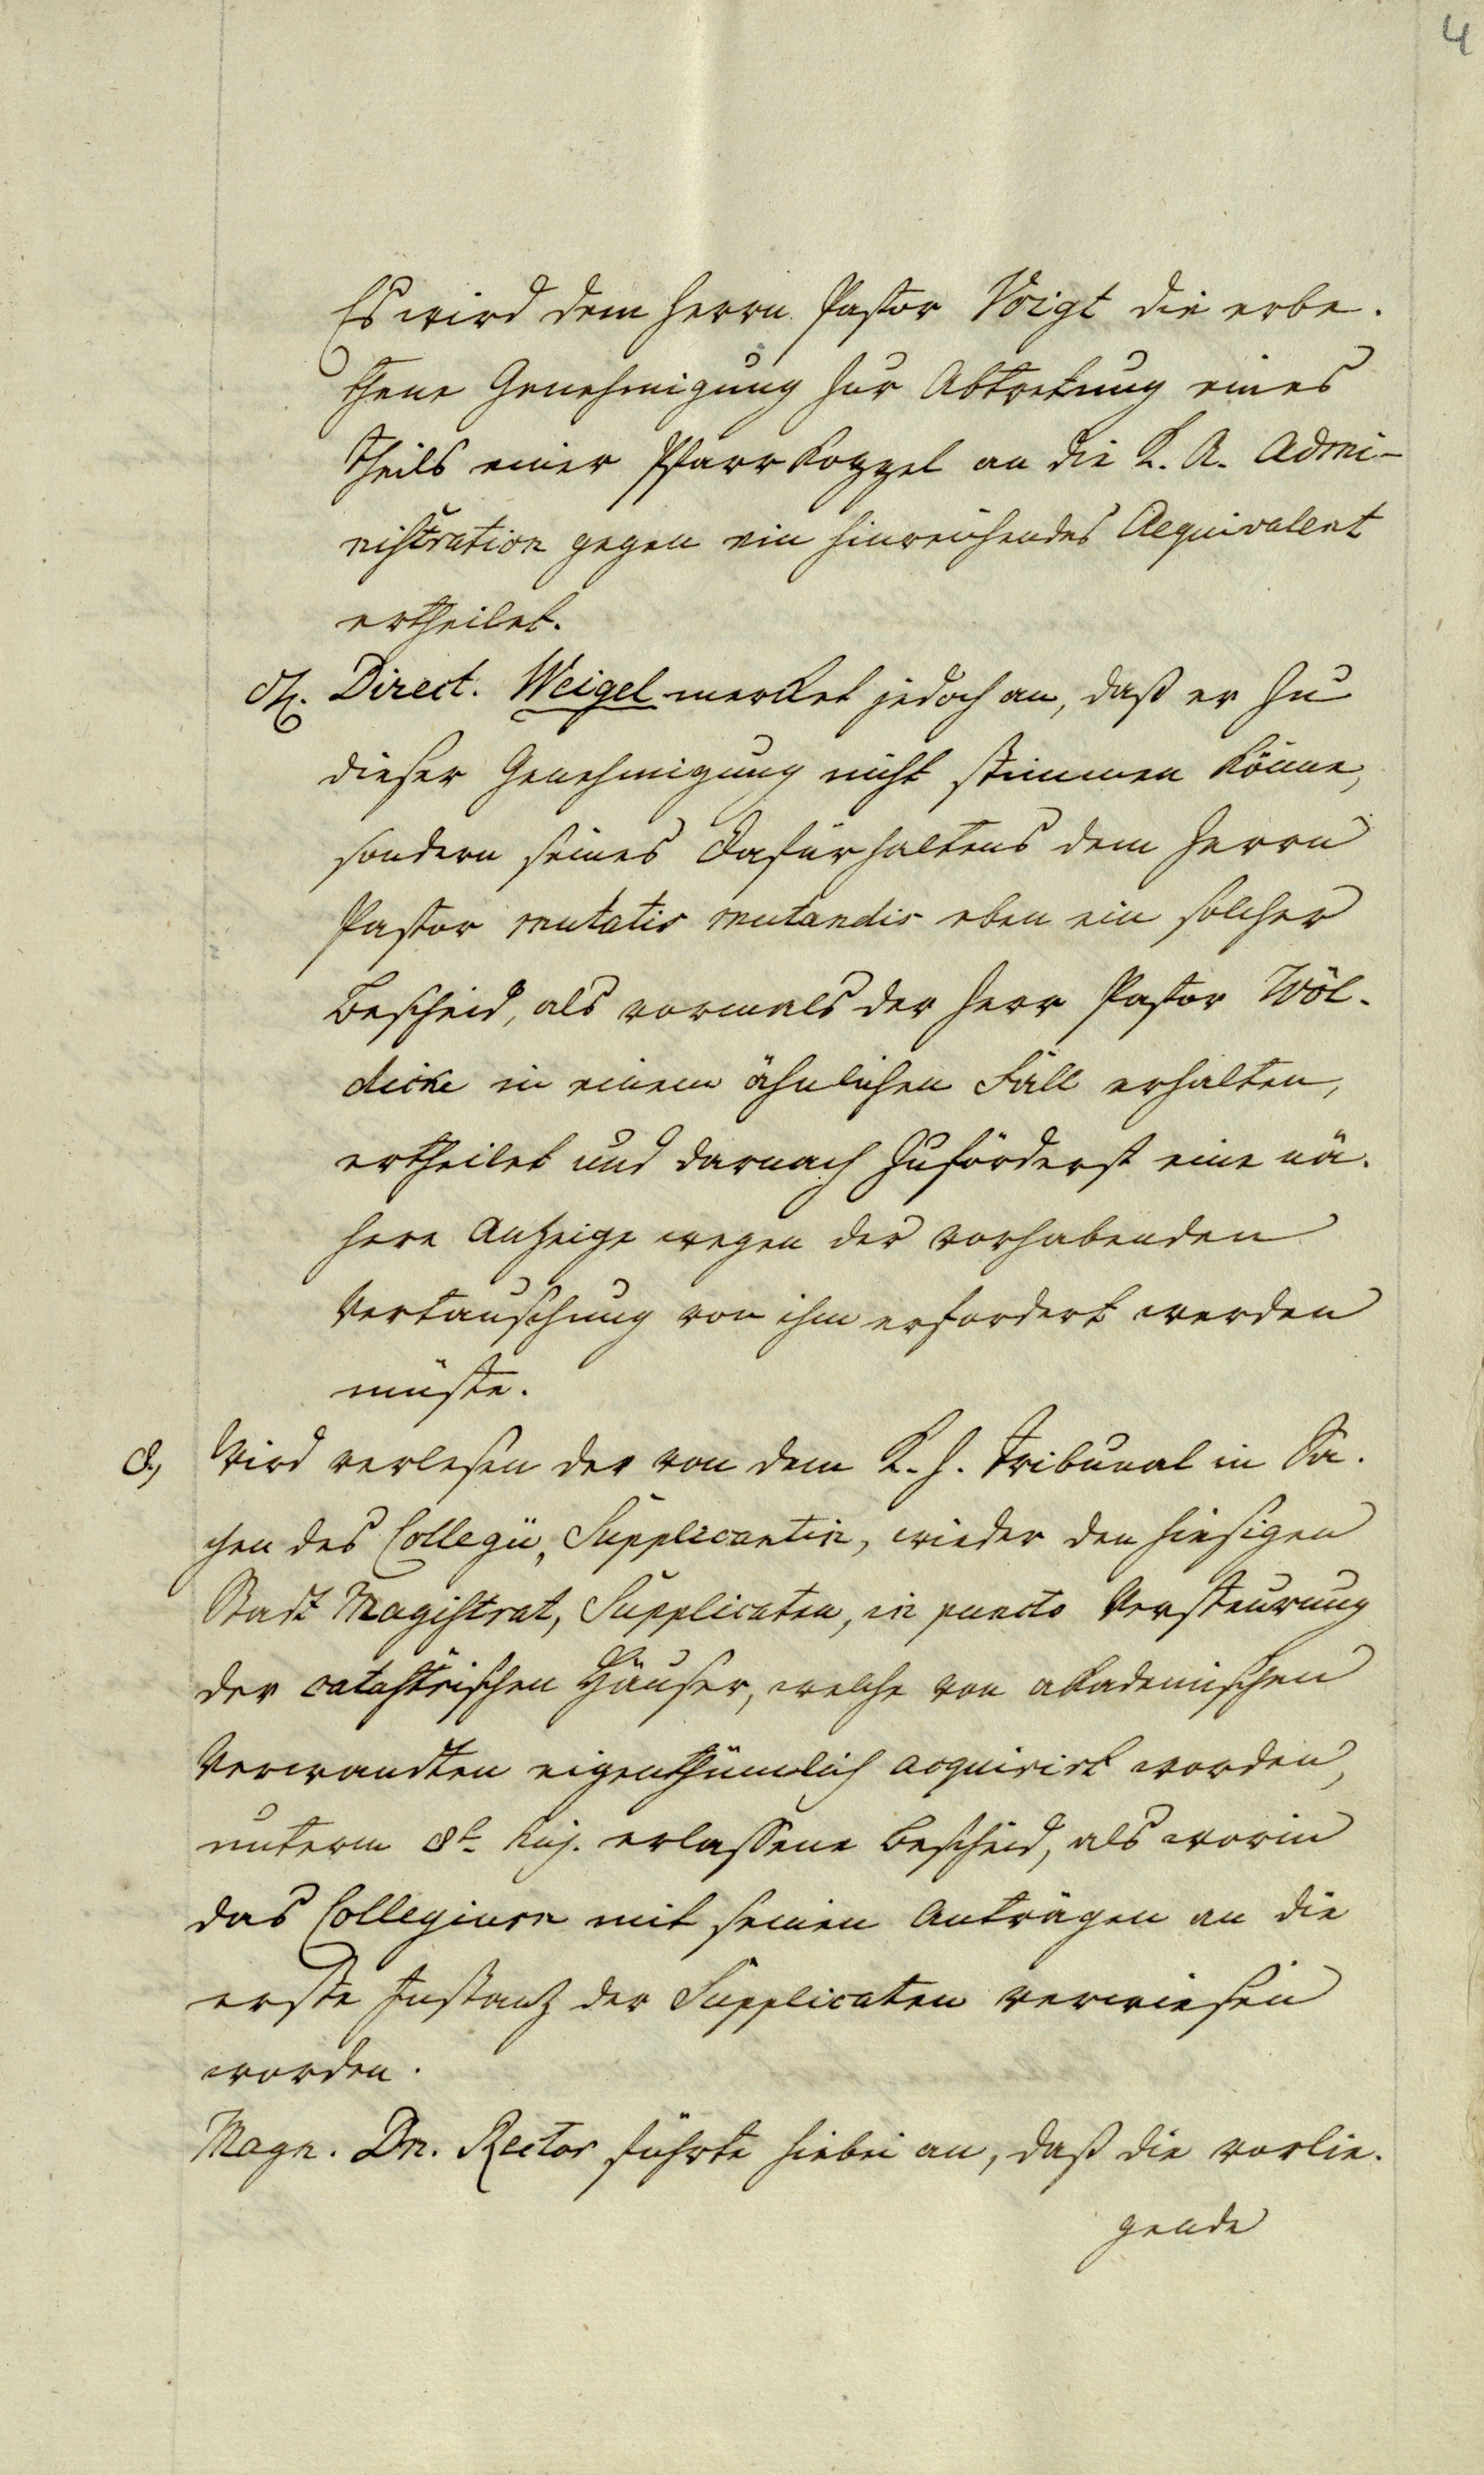4
Es wird dem Herrn Pastor Voigt die erbe¬
thene Genehmigung zur Abtretung eines
Theils einer Pfarrkoppel an die K. A. Admi¬
nistration gegen ein hinreichendes Aequivalent
ertheilt.
dh. Direct. Weigel merket jedoch an, daß er zu
dieser Genehmigung nicht stimmen könne,
sondern seines Dafürhaltens dem Herrn
Pastor mutatis mutandis eben ein solcher
Bescheid, als vormals der Herr Pastor Wöl¬
dicke in einem ähnlichen Fall erhalten,
ertheilet und darauf zuförderst eine nä¬
here Anzeige wegen der vorhabenden
Vertauschung von ihm erfordert werden
müsste.
8., Wird verlesen der von dem K. H. Tribunal in Sa¬
chen des Collegii, Supplicantin, wieder den hiesigen
Stadt Magistrat, Supplicaten, in puncto Versteurung
der catastrischen Häuser, welche von akademischen
Verwandten eigenthümlich acquirirt worden,
unterm 8t. huj. erlassene Bescheid, als worin
das Collegium mit seinen Anträgen an die
erste Instanz der Supplicaten verwiesen
worden.
Magn. Dn. Rector führte hiebei an, daß die vorlie¬
gende